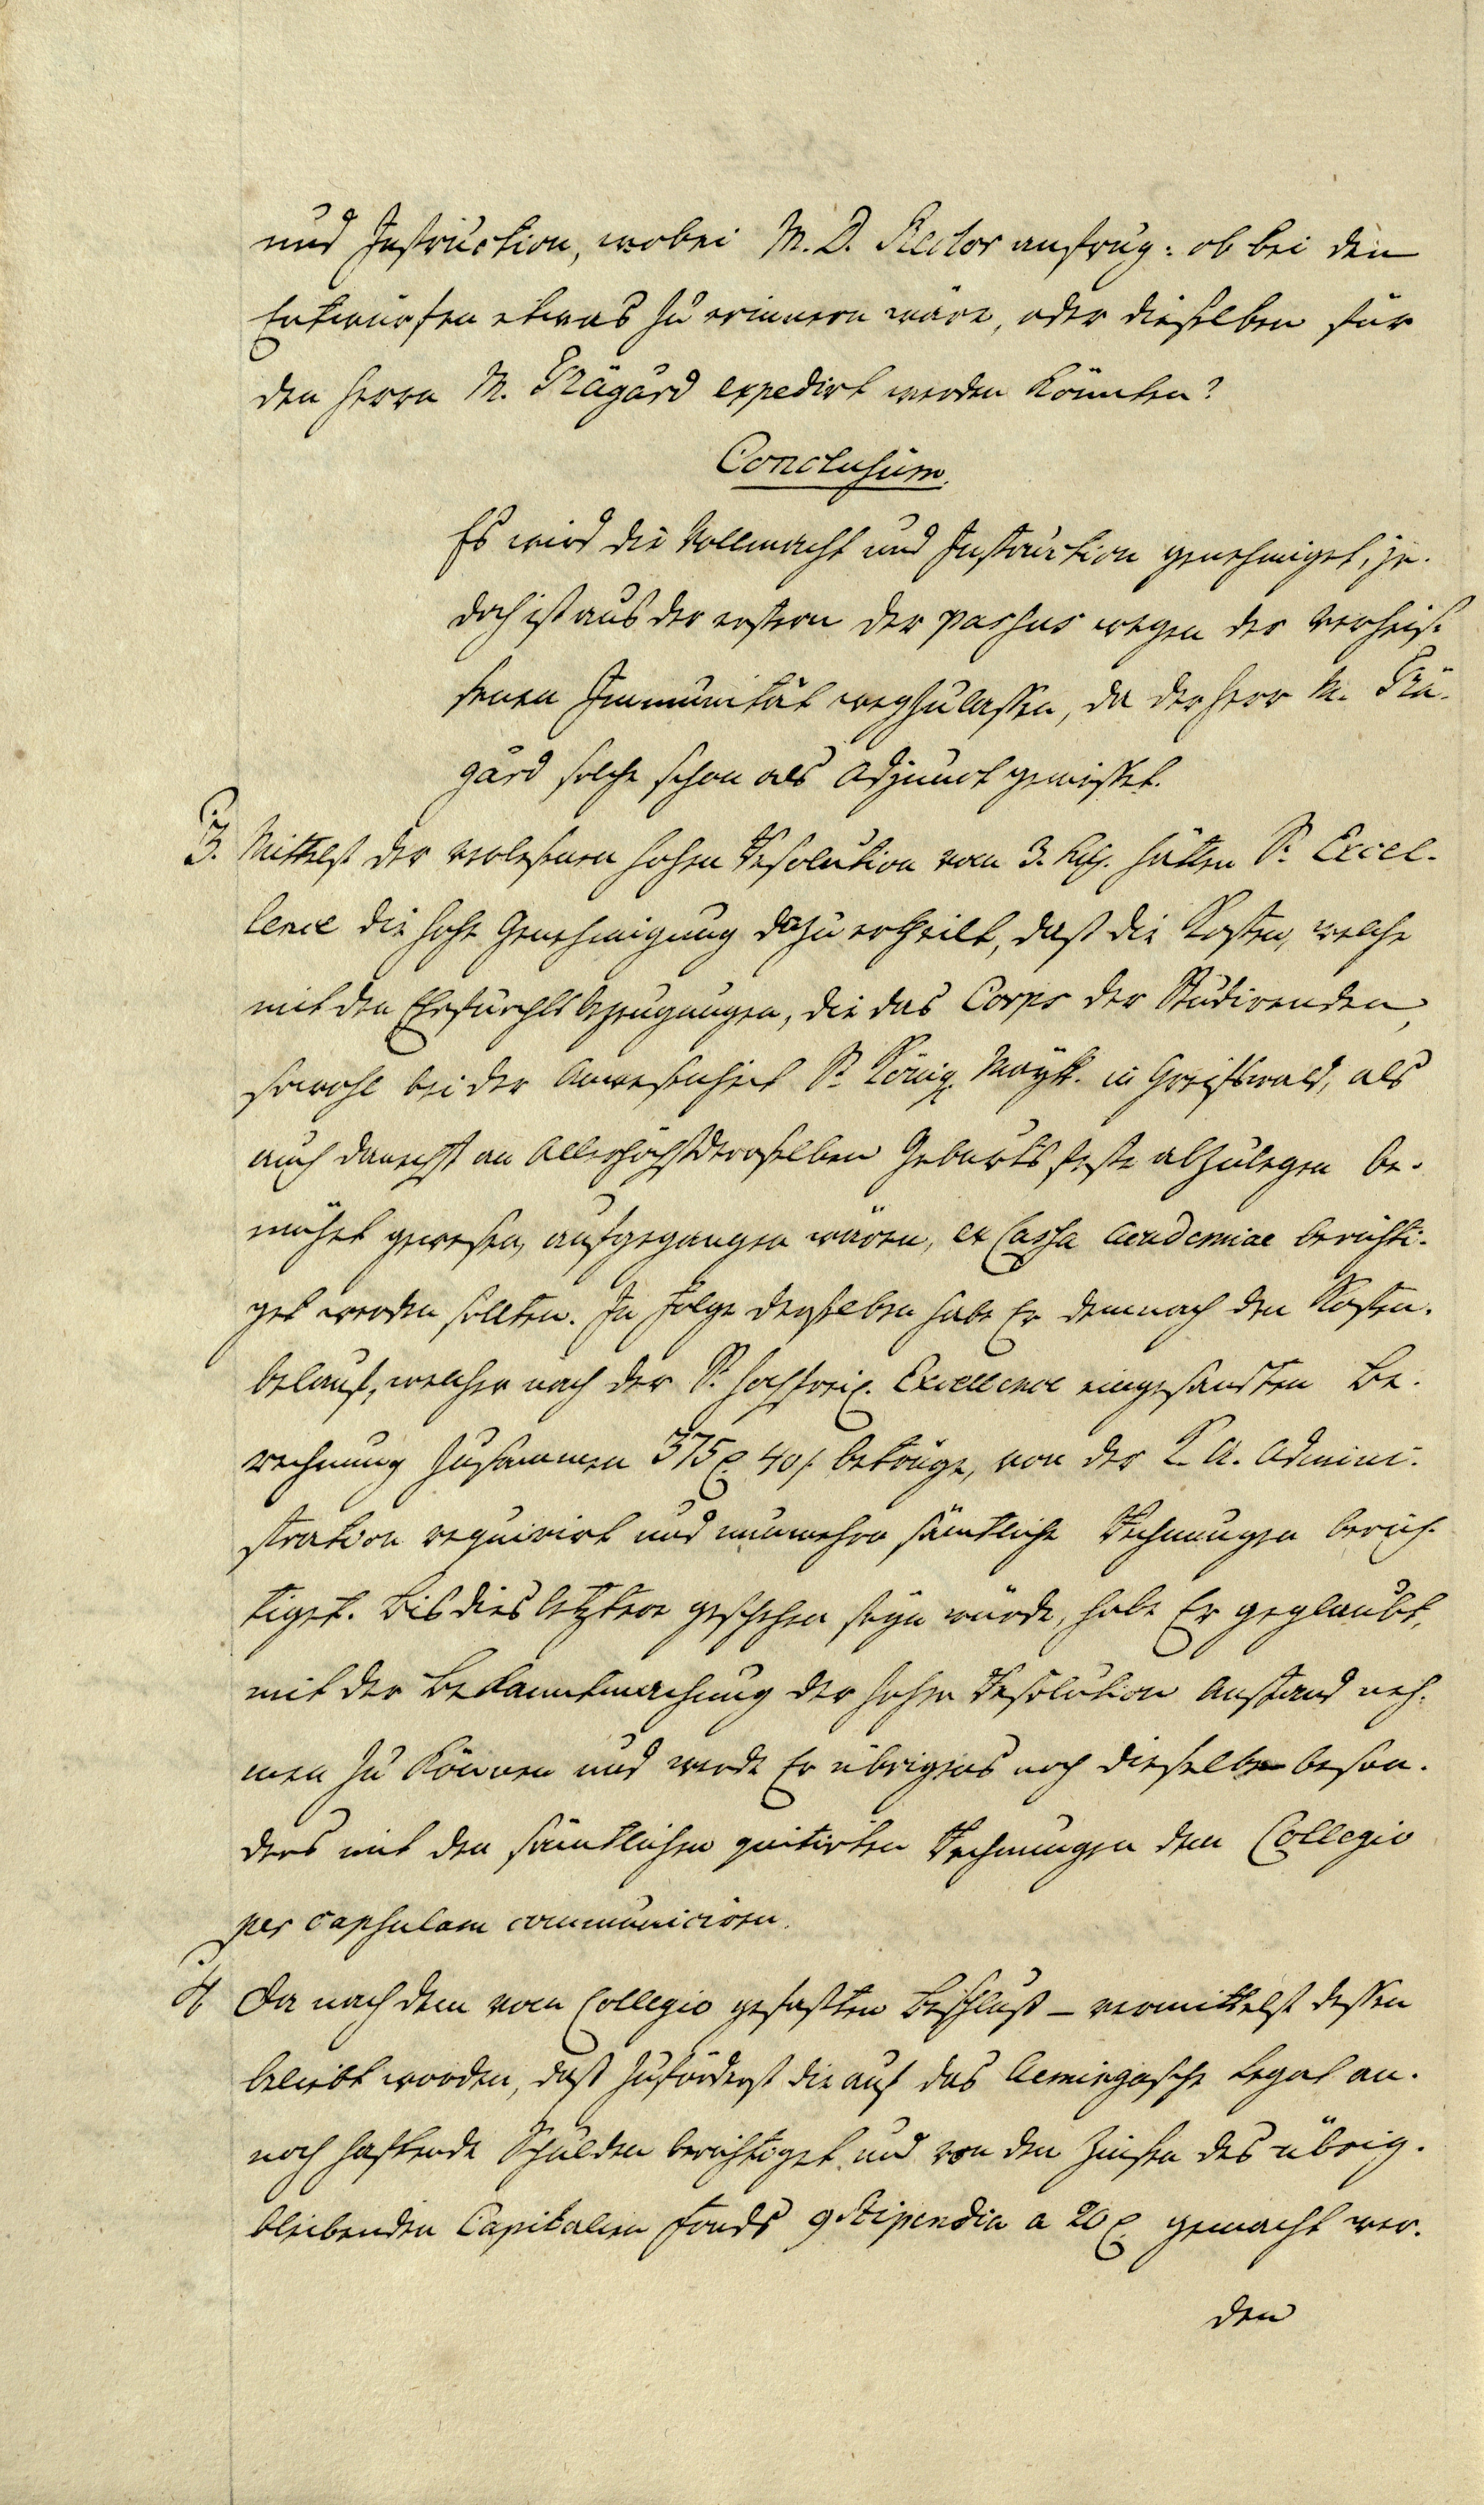und Instruction, wobei M. D. Rector anfrug: ob bei den
Entwürfen etwas zu erinnern wäre, oder dieselben für
den Herrn M. Trägård expedirt werden könnten?
Conclusum.
Es wird die Vollmacht und Instruction genehmiget, je¬
doch ist aus der erstern der passus wegen der verheis¬
senen Immunität wegzulassen, da der Herr M. Trä¬
gård solche schon als Adjunct geniesset.
3. Mittelst der verlesenen hohen Resolution von 3. huj. hätten Sr. Excel¬
lence die hohe Genehmigung dazu ertheilt, daß die Kosten, welche
mit den Ehrfurchtsbezeugungen, die das Corps der Studirenden,
sowohl bei der Anwesenheit Sr. Königl Maÿtt. in Greifswald, als
auch danechst an Allerhöchstderselben Geburtsfeste abzulegen be¬
mühet gewesen, aufgegangen wären, ex Cassa Academiae berichti¬
get werden sollten. In Folge derselben habe Er demnach den Kosten¬
belauf, welcher nach der Sr. Hochfrei. Excellence eingesandten Be¬
rechnung zusammen 375 l. 40 s. betrüge, von der K . A. Admini¬
stration requirirt und nunmehro sämtliche Rechnungen berich¬
tiget. Bis dies letztere geschehen seÿn würde, habe Er geglaubt,
mit der Bekanntmachung der hohen Resolution Anstand neh¬
men zu können und werde Er übrigens noch dieselbe beson¬
ders mit den sämtlichen quitirten Rechnungen dem Collegio
per Capsulam communiciren.
4 Da nach dem vom Collegio gefaßten Beschluß - vermittelst dessen
beliebt worden, daß zuförderst die auf das Aemingasche Legat an¬
noch haftende Schulden berichtiget und von den Zinsen des übrig¬
bleibenden Capitalien Fonds 9 Stipendio a 20 l. gemacht wer¬
den